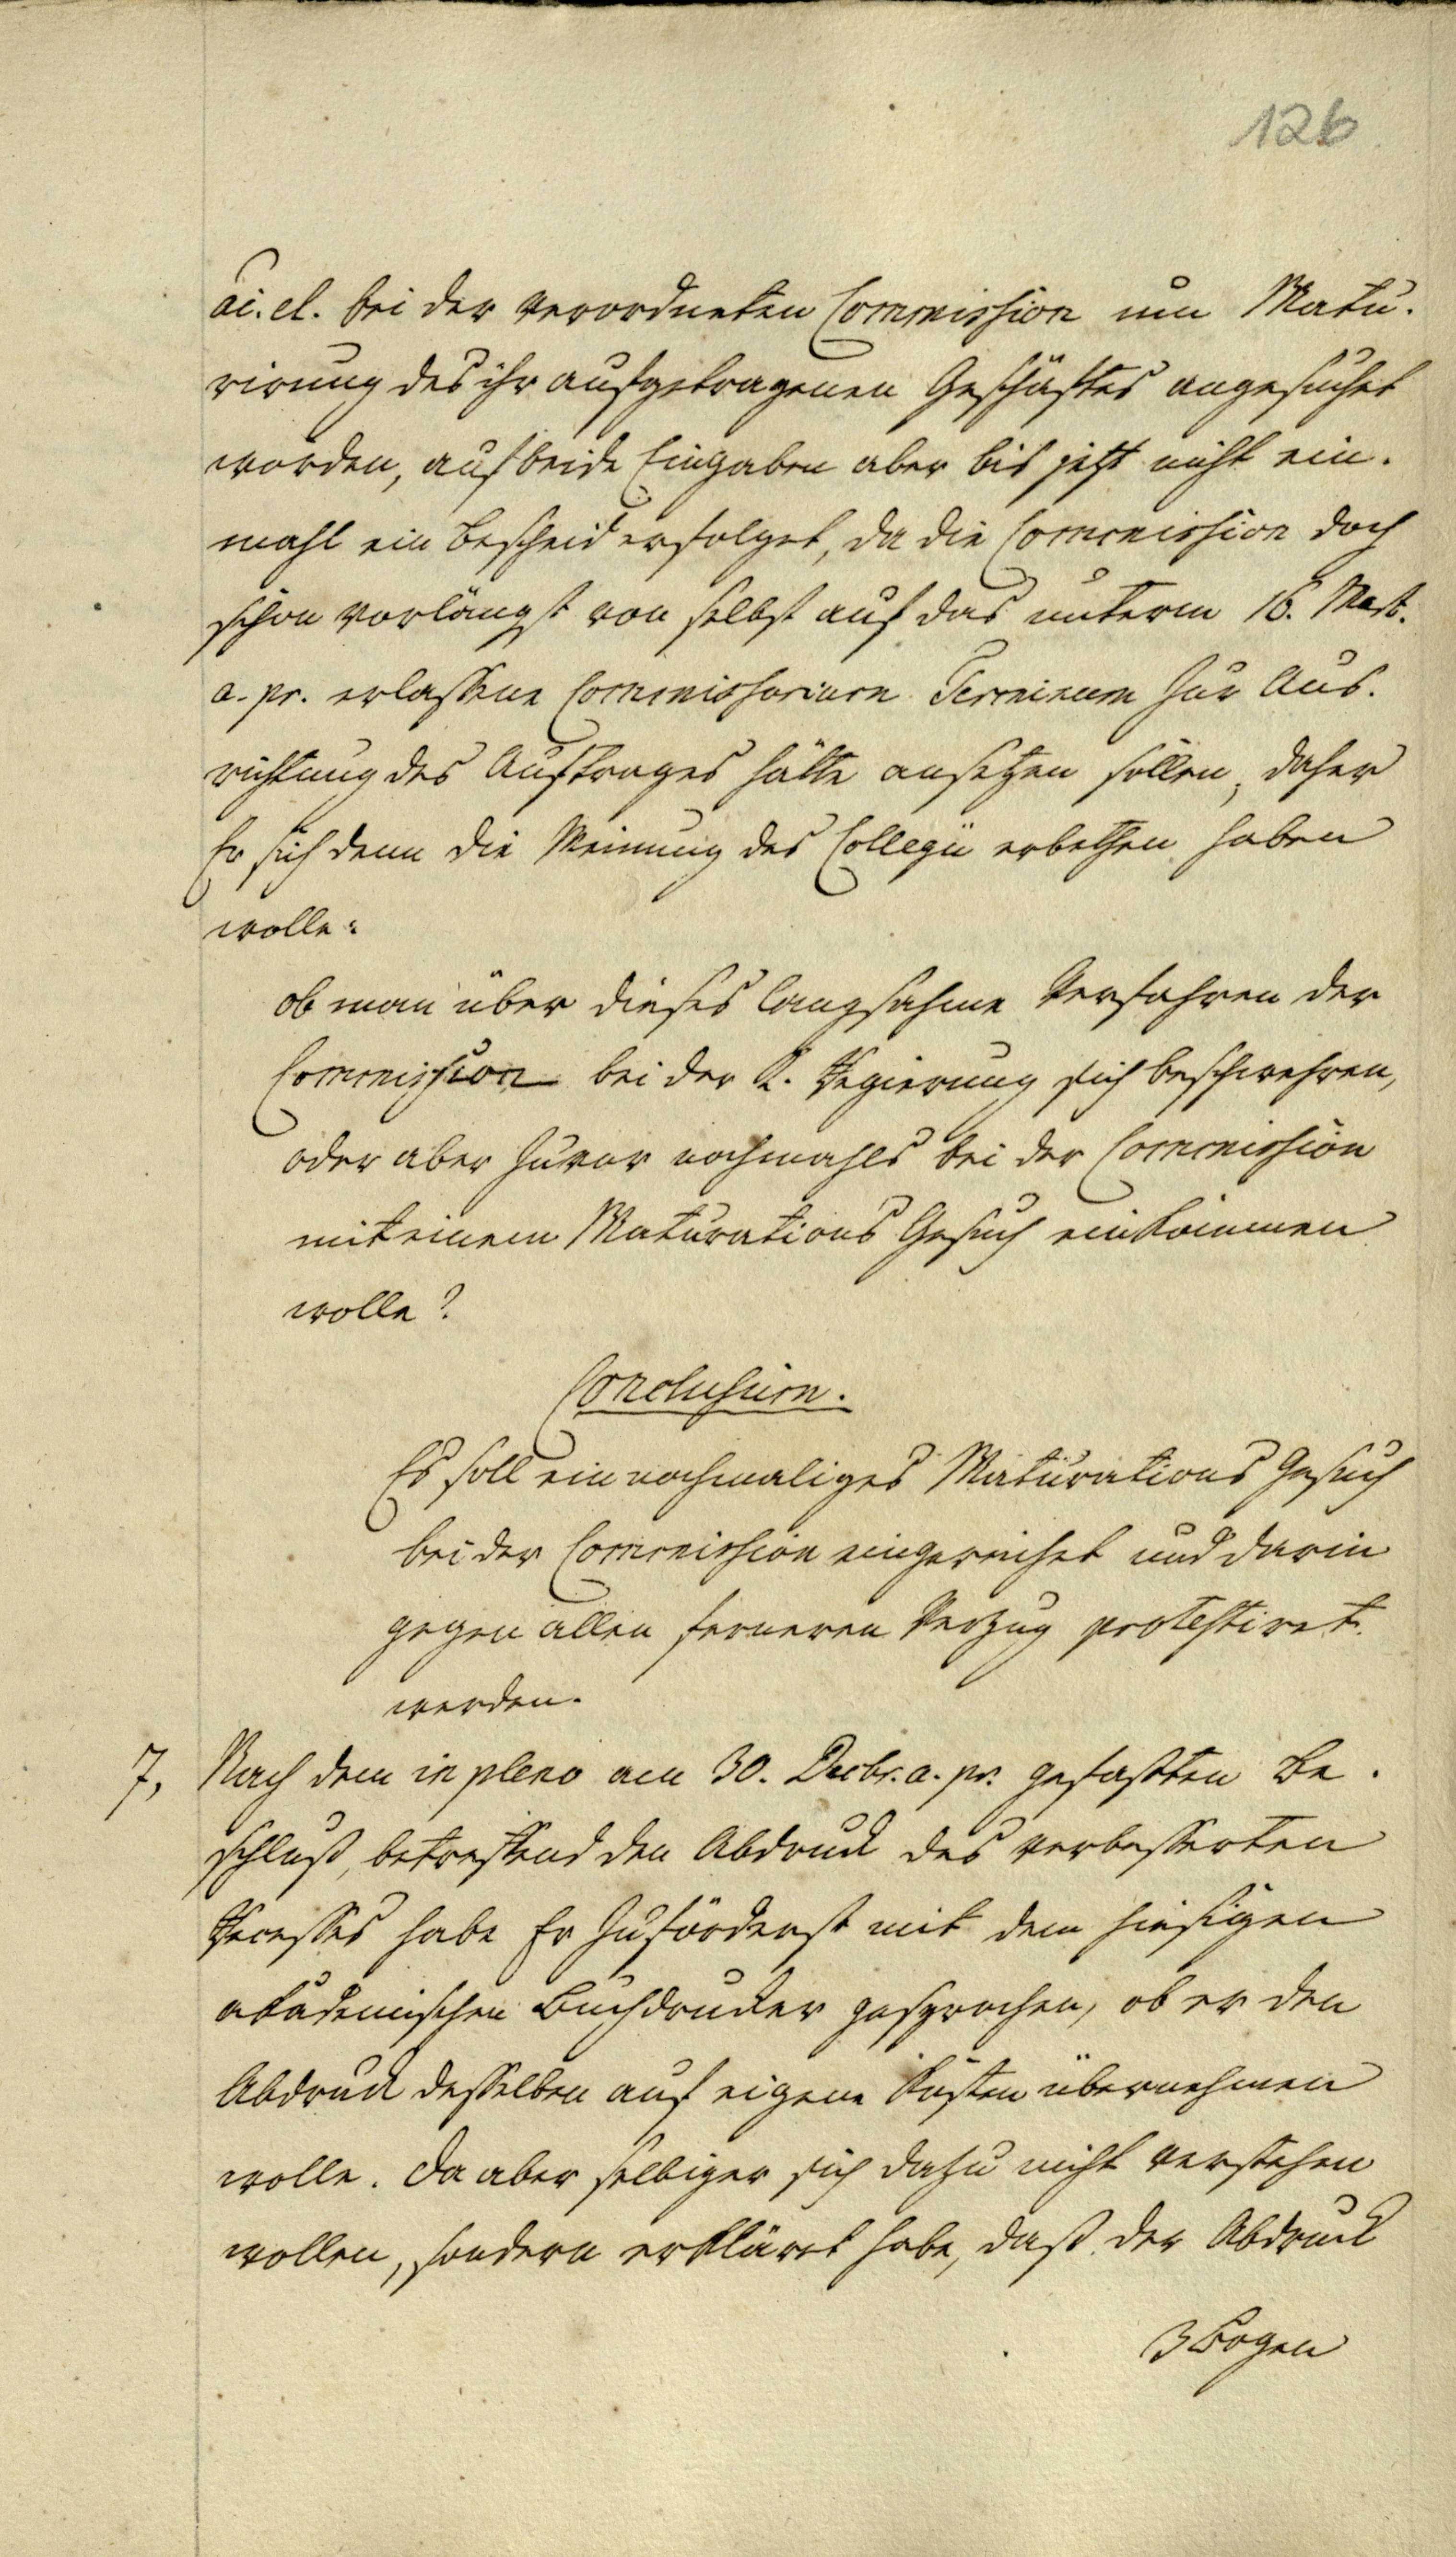ai. el. bei der verordneten Commission um Matu¬
rirung des ihr aufgetragenen Geschäftes angesuchet
worden, auf beide Eingaben aber bis jetzt nicht ein¬
mahl ein Bescheid erfolget, da die Commission doch
schon vorlängst von selbst auf das unterm 16. Mart.
a. pr. erlassene Commissorium Terminum zur Aus¬
richtug des Auftrages hätte ansetzen sollen, daher
Er sich denn die Meinung des Collegii erbethen haben
wolle:
ob man über dieses langsahme Verfahren der
Commission bei der K. Regierung sich beschwehren,
oder aber zuvor nochmahls bei der Commission
mit einem Maturations Gesuch einkommen
wolle?
Conclusum.
Es soll ein nochmaliges Maturations Gesuch
bei der Commission eingereichet und darin
gegen allen ferneren Verzug protestiret
werden.
7., Nach dem in pleno am 30. Decbr a. pr. gefaßten Be¬
schluß, betreffend den Abdruck des verbesserten
Recesses habe Er zuförderst mit dem hiesigen
akademischen Buchdrucker gesprochen, ob er den
Abdruck desselben auf eigene Kosten übernehmen
wolle. Da aber selbiger sich dazu nicht verstehen
wollen, sondern erkläret habe, daß der Abdruck
3 Bogen